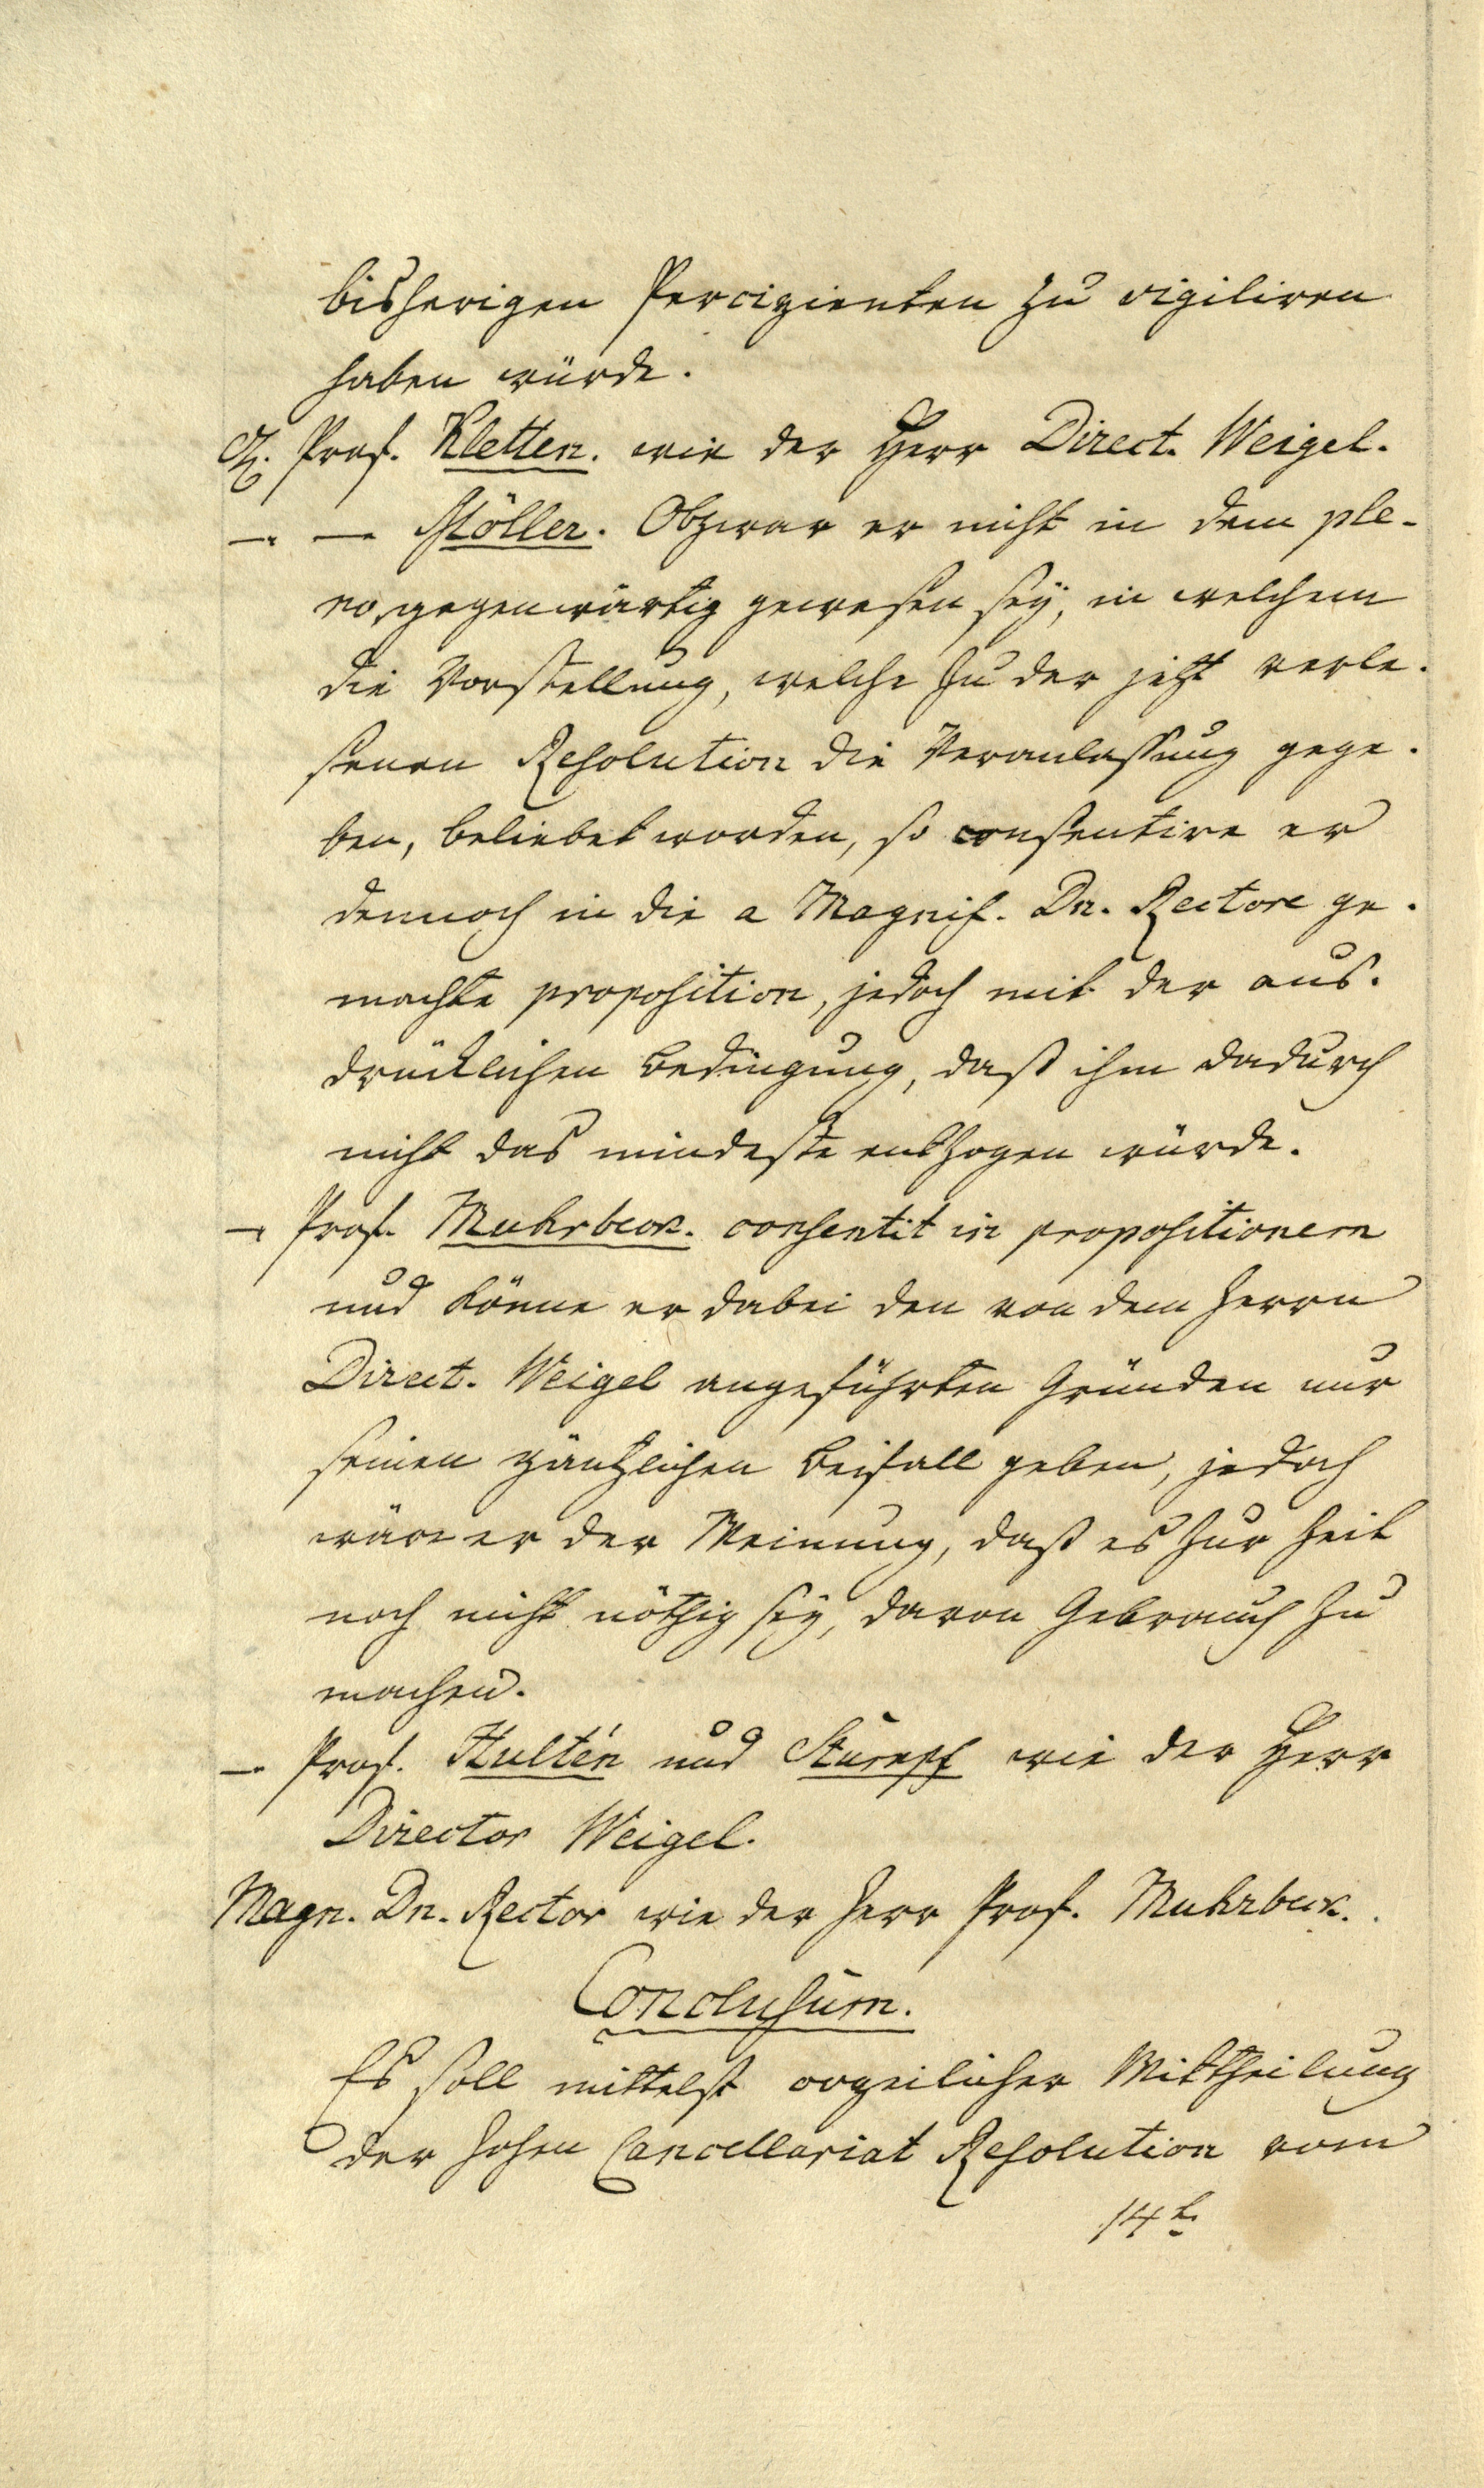bisherigen Percipienten zu vegiliren
haben würde.
dh. Prof. Kletten. wie der Herr Direct. Weigel.
Möller. Ozwar er nicht in dem ple¬
no gegenwärtig gewesen seÿ, in welchem
die Vorstellung, welche zu der jetzt verle¬
senen Resolution die Veranlassung gege¬
ben, beliebet worden, so consentire er
dennoch in die a Magnif. Dn. Rectore ge¬
machte proposition, jedoch mit der aus¬
drücklichen Bedingung, daß ihm dadurch
nicht das mindeste entzogen würde.
Prof. Muhrbeck. consentit in propositionem
und könne er dabei den von dem Herrn
Direct. Weigel angeführten Gründen nur
seinen gäntzlichen Beifall geben, jedoch
wäre er der Meinung, daß es zur Zeit
noch nicht nöthig seÿ, davon Gebrauch zu
machen.
Prof. Hultén und Stumpf wie der Herr
Director Weigel.
Magn. Dn. Rector wie der Herr Prof. Muhrbeck.
Conclusum.
Es soll mittelst copeilicher Mittheilung
der hohen Cancellariat Resolution vom
14 t.